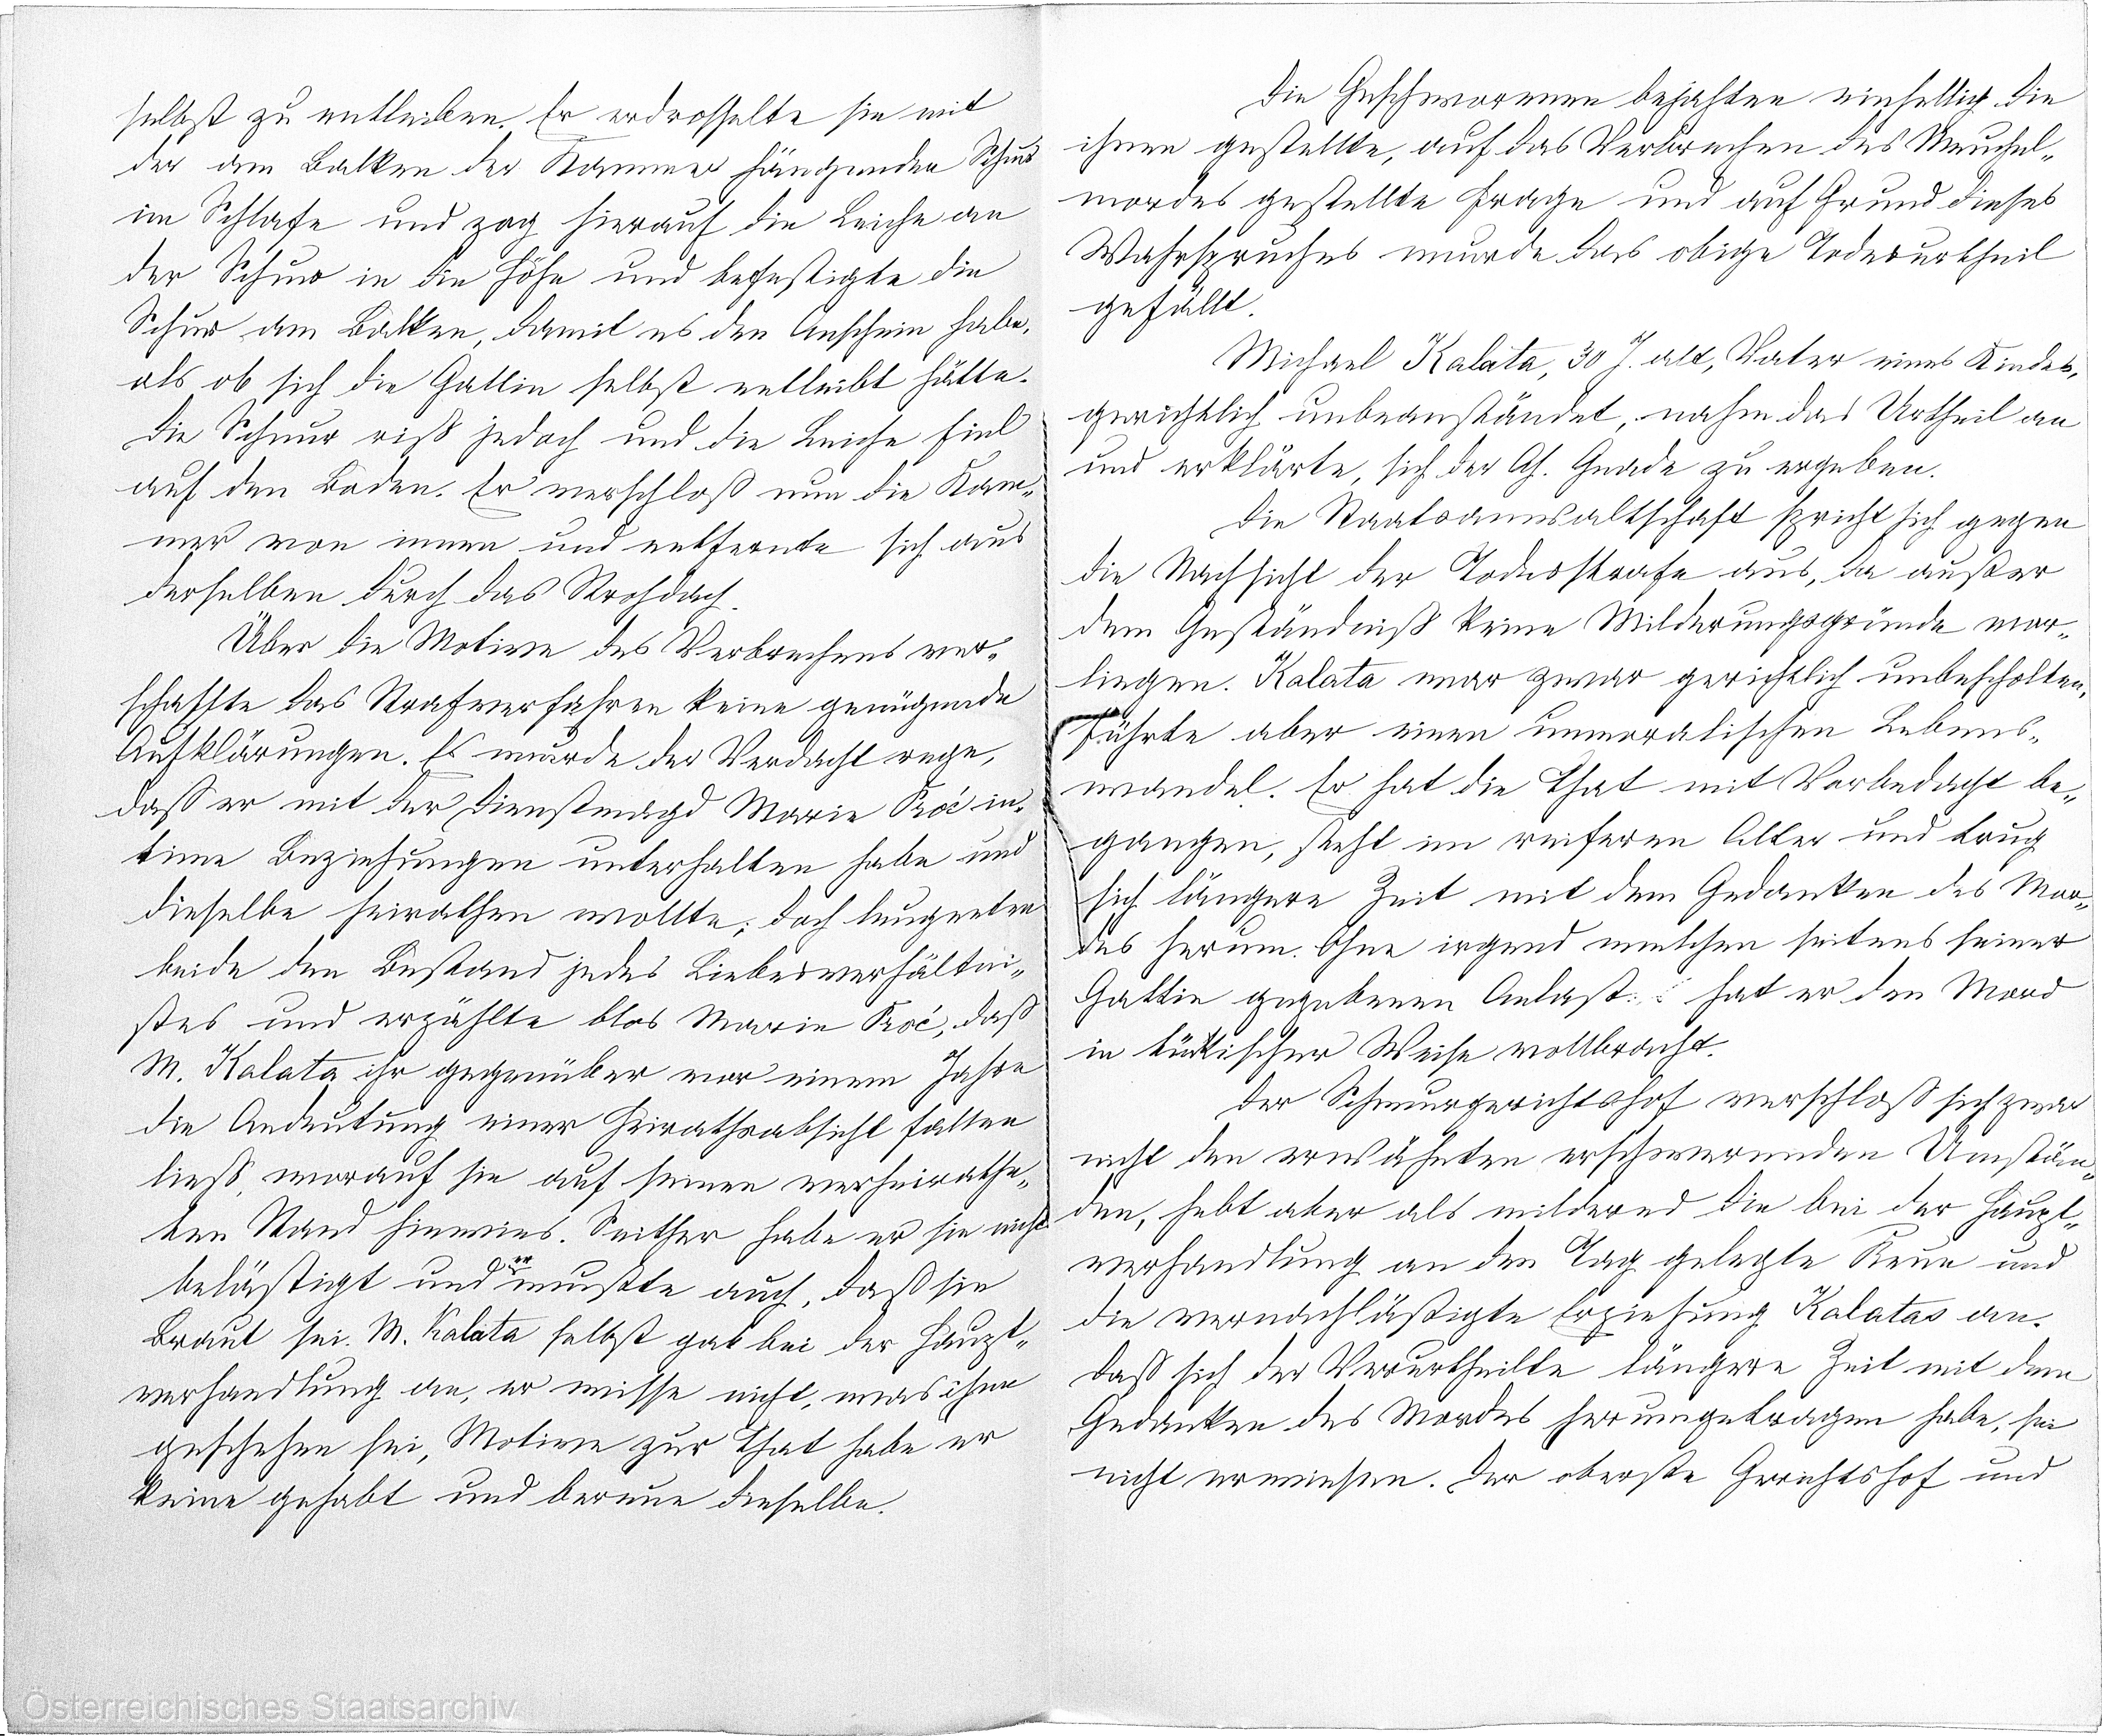selbst zu entleiben. Er erdrosselte sie mit
der dem Balken der Kammer hängenden Schnur
im Schlafe und zog hierauf die Leiche an
der Schuxx in die Höhe und befestigte die
Schur am Balken, damit es den Anschein habe,
als ob sich die Gattin selbst entleibt hätte.
Die Schnur riß jedoch und die Leiche find
auf den Boden. Er merschloß nun die Kam¬
mer von innen und entfernte sich aus
derselben durch das Strohdach.
Über die Motive des Verbrechens ver¬
schaffte das Strafverfahren keine genügende
Aufklärungen. Es wurde der Verdacht rege,
daß er mit der Dienstmagd Marie Proć in¬
time Beziehungen unterhalten habe und
dieselbe heirathen wollte, doch leugneten
beide den Bestand jedes Lieberverhältni¬
ßes und erzählte blos Marie Proć, daß
M. Kalata ihr gegenüber war einem Jahre
die Andeutung einer Heirathsabsicht fallen
ließ, worauf sie auf seinen verheirathe¬
ten Stand hinwies. Seither habe er sie nicht
er
belästigt und wußte auch, daß sie
Braut sei. M. Kalata selbst gab bei der Haupt¬
verhandlung an, er wisse nicht, was ihne
geschehen sei, Motive zur That habe er
keine gehabt und bereue dieselbe.
Die Geschworenen bejahten einhellig die
ihnen gestellte, auf das Verbrechen des Meuchel¬
mordes gestellte Frage und auf Grund dieses
Wahrspruches wurde das obige Todesurtheil
gefällt.
Michael Kalata, 30 J. alt, Vater eines Kindes,
gerichtlich unbeanständet, nahm das Urtheil an
und erklärte, sich der Ah. Gnade zu ergeben.
Die Staatsxxsaltschaft spricht sich gegen
die Nachsicht der Todesstrafe aus, da außer
dem Geständniß keine Milderungsgründe vor¬
liegen. Kalata war zwar gerichtlich unbescholten,
führte aber einen unmoralischen Lebens¬
mandel. Er hat die That mit Verbedacht be¬
gangen, steht im reiferen Alter und Leug
sich längere Zeit mit dem Gedanken des Mor¬
des herum. Ohne irgend welchen seitens seiner
Gattin gegebenen Anlaß xx hat er den Mord
in xxürkischer Weise vollbracht.
Der Schwurgerichtshof verschloß sich zwar
nicht den xxähnten erschwerenden Umstän¬
den, hebt aber als mildernd die bei der Haupt¬
verhandlung an den Tag gelegte Reue und
die vernachläßigte Erziehung Kalatas an.
Daß sich der Verurtheilte längere Zeit mit dem
Gedanken des Mordes herumgetragen habe, sie
nicht erwiesen. Der oberste Gerichtshof und